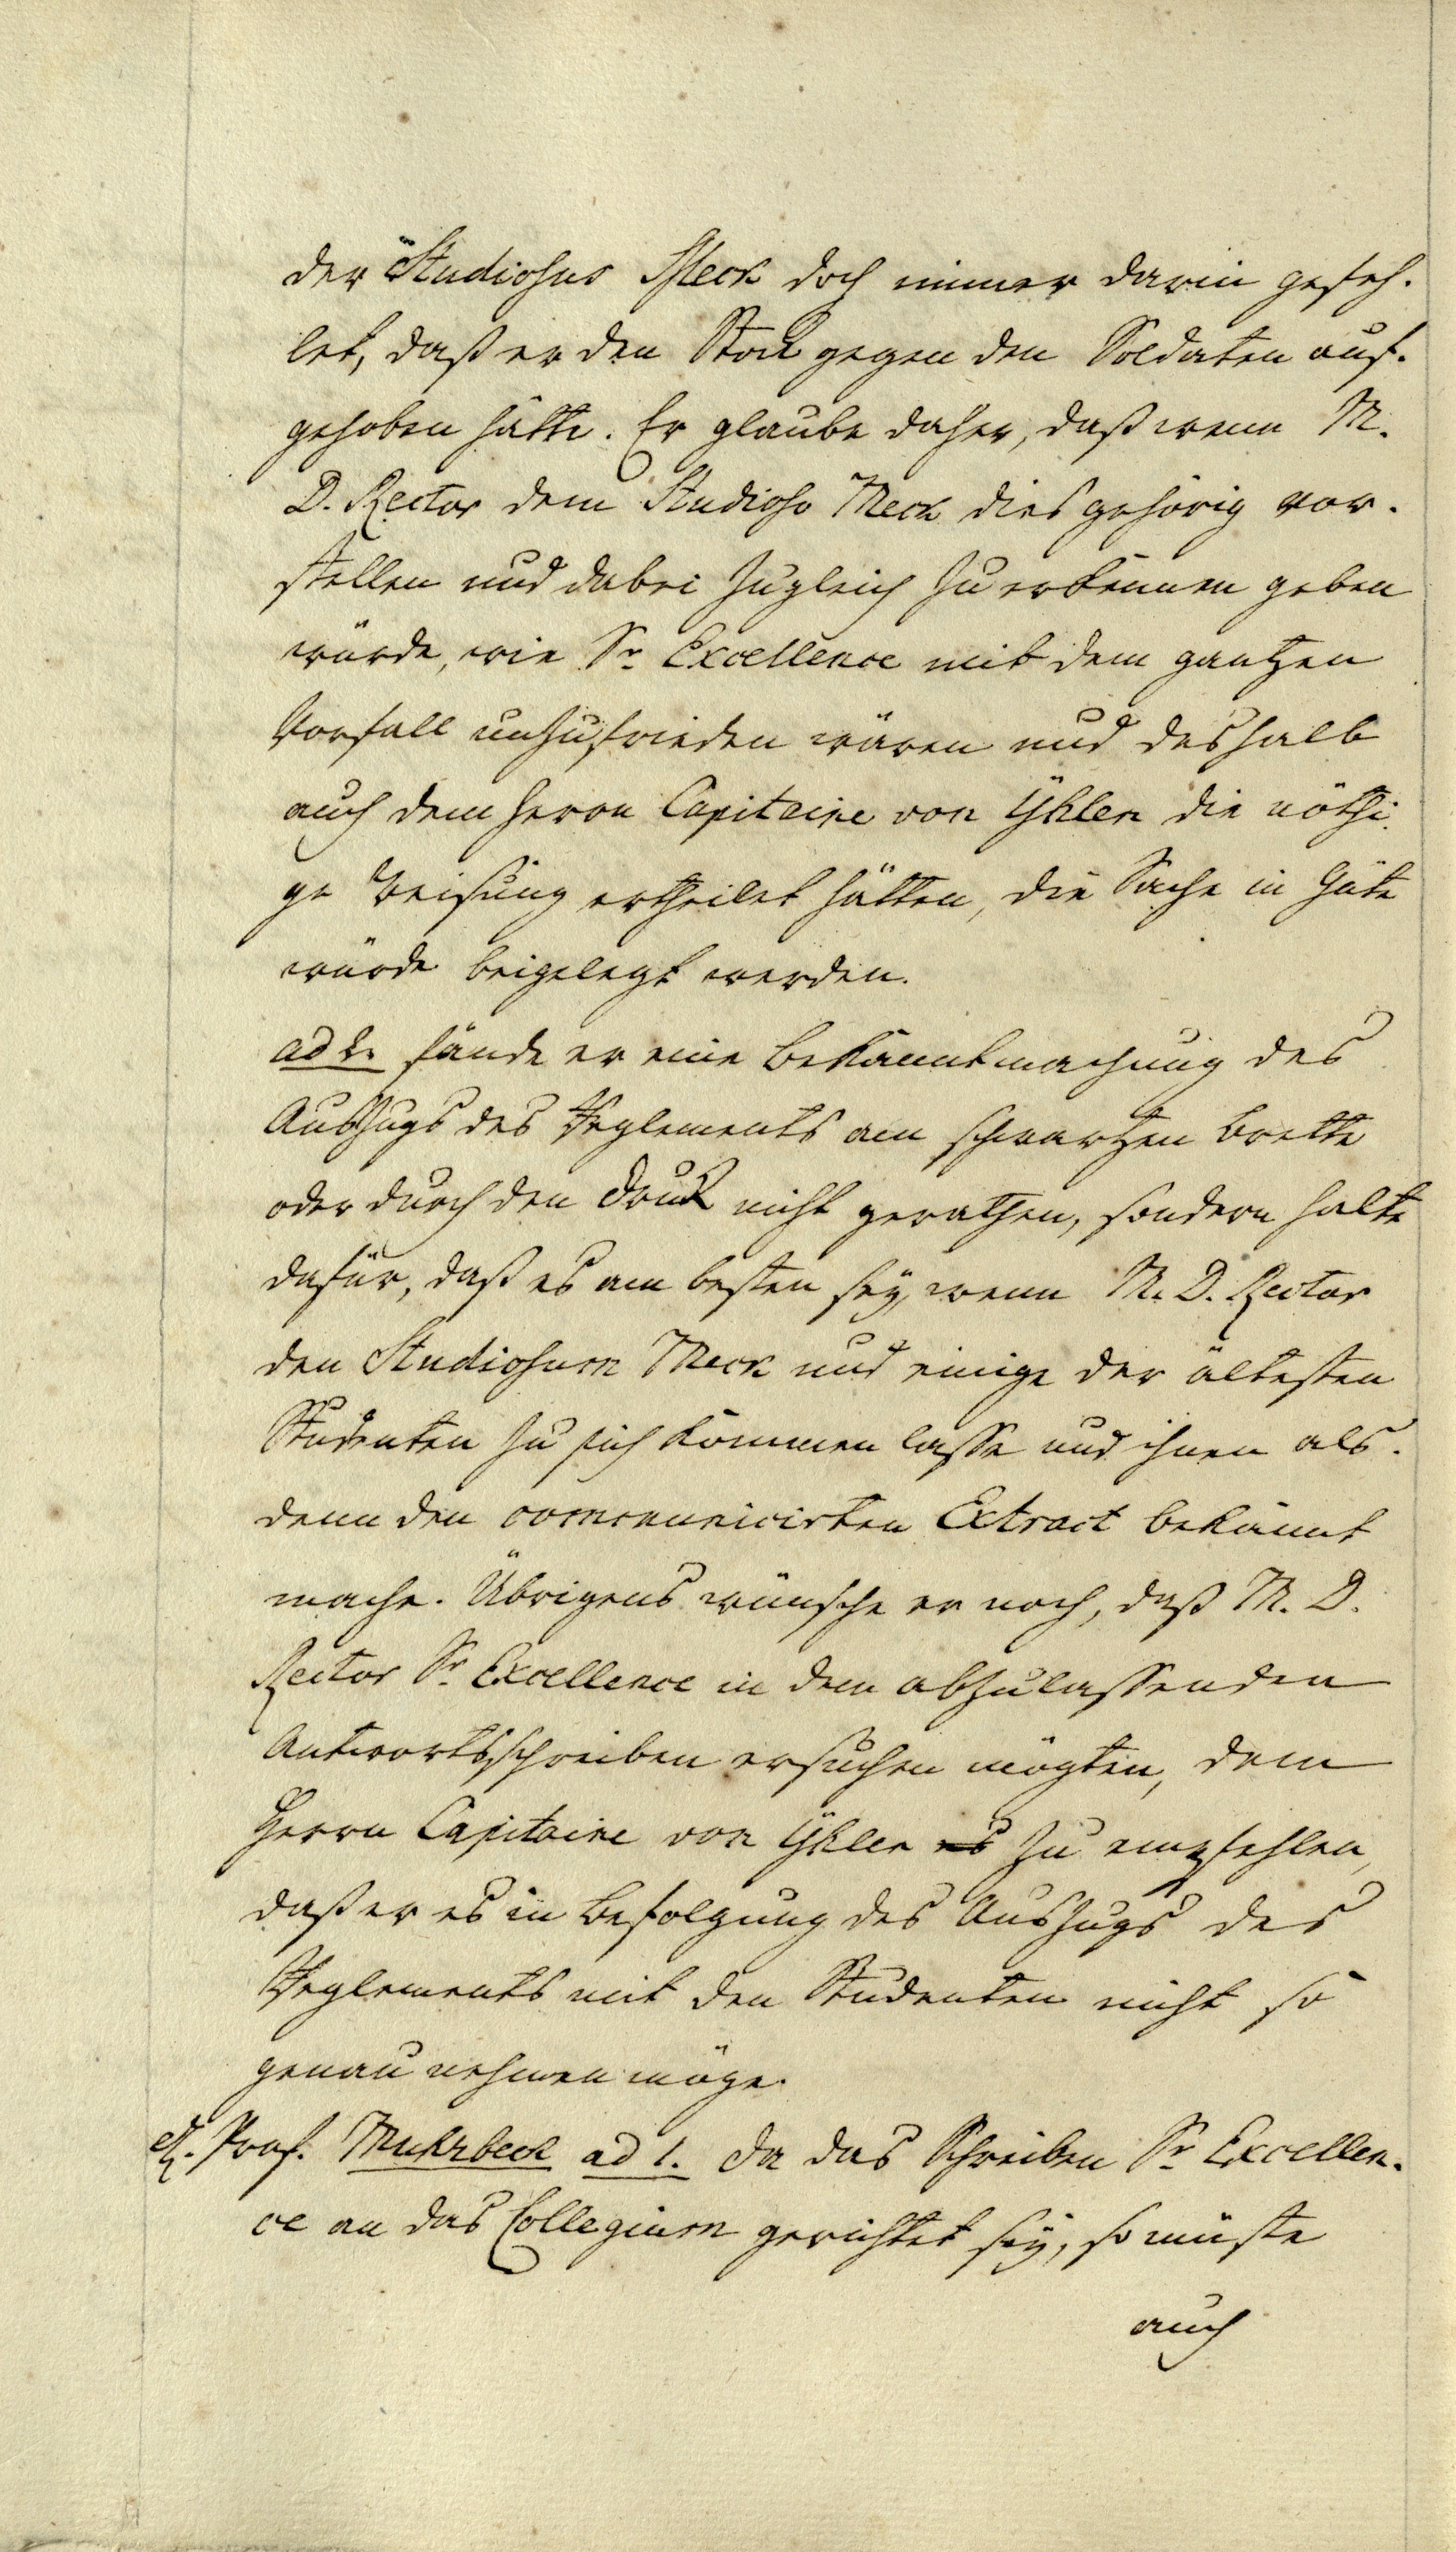der Studiosus Meck doch immer darin gefeh¬
let, daß er den Stock gegen den Soldaten auf¬
gehoben hätte. Er glaube daher, daß wenn M.
D. Rector dem Studioso Meck dies gehörig vor
stellen und dabei zugleich zu erkennen geben
würde, wie Sr Excellence mit dem gantzen
Vorfall unzufrieden wären und deshalb
auch dem Herrn Capitaine von Ÿhlen die nöthi¬
ge Weisung ertheilet hätten, die Sache in Güte
würde beigelegt werden.
ad 2. fände er eine Bekanntmachung des
Auszugs des Reglements am schwarzen Brette
oder durch den Druck nicht gerathen, sondern halte
dafür, daß es am besten seÿ, wenn M. D. Rector
den Studiosum Meck und einige der ältesten
Studenten zu sich kommen lasse und ihnen als¬
denn den communicirten Extract bekannt
mache. Übrigens wünsche er noch, daß M. D.
Rector Sr Excellence in dem abzulassenden
Antwortsschreiben ersuchen mögten, dem
Herrn Capctaine von Ÿhlen es zu empfehlen,
daß er es in Befolgung des Auszugs des
Reglements mit den Studenten nicht so
genau nehmen möge.
dh. Prof. Muhrbeck ad 1. Da das Schreiben Sr Excellen¬
ce an das Collegium gerichtet seÿ, so müßte
auch